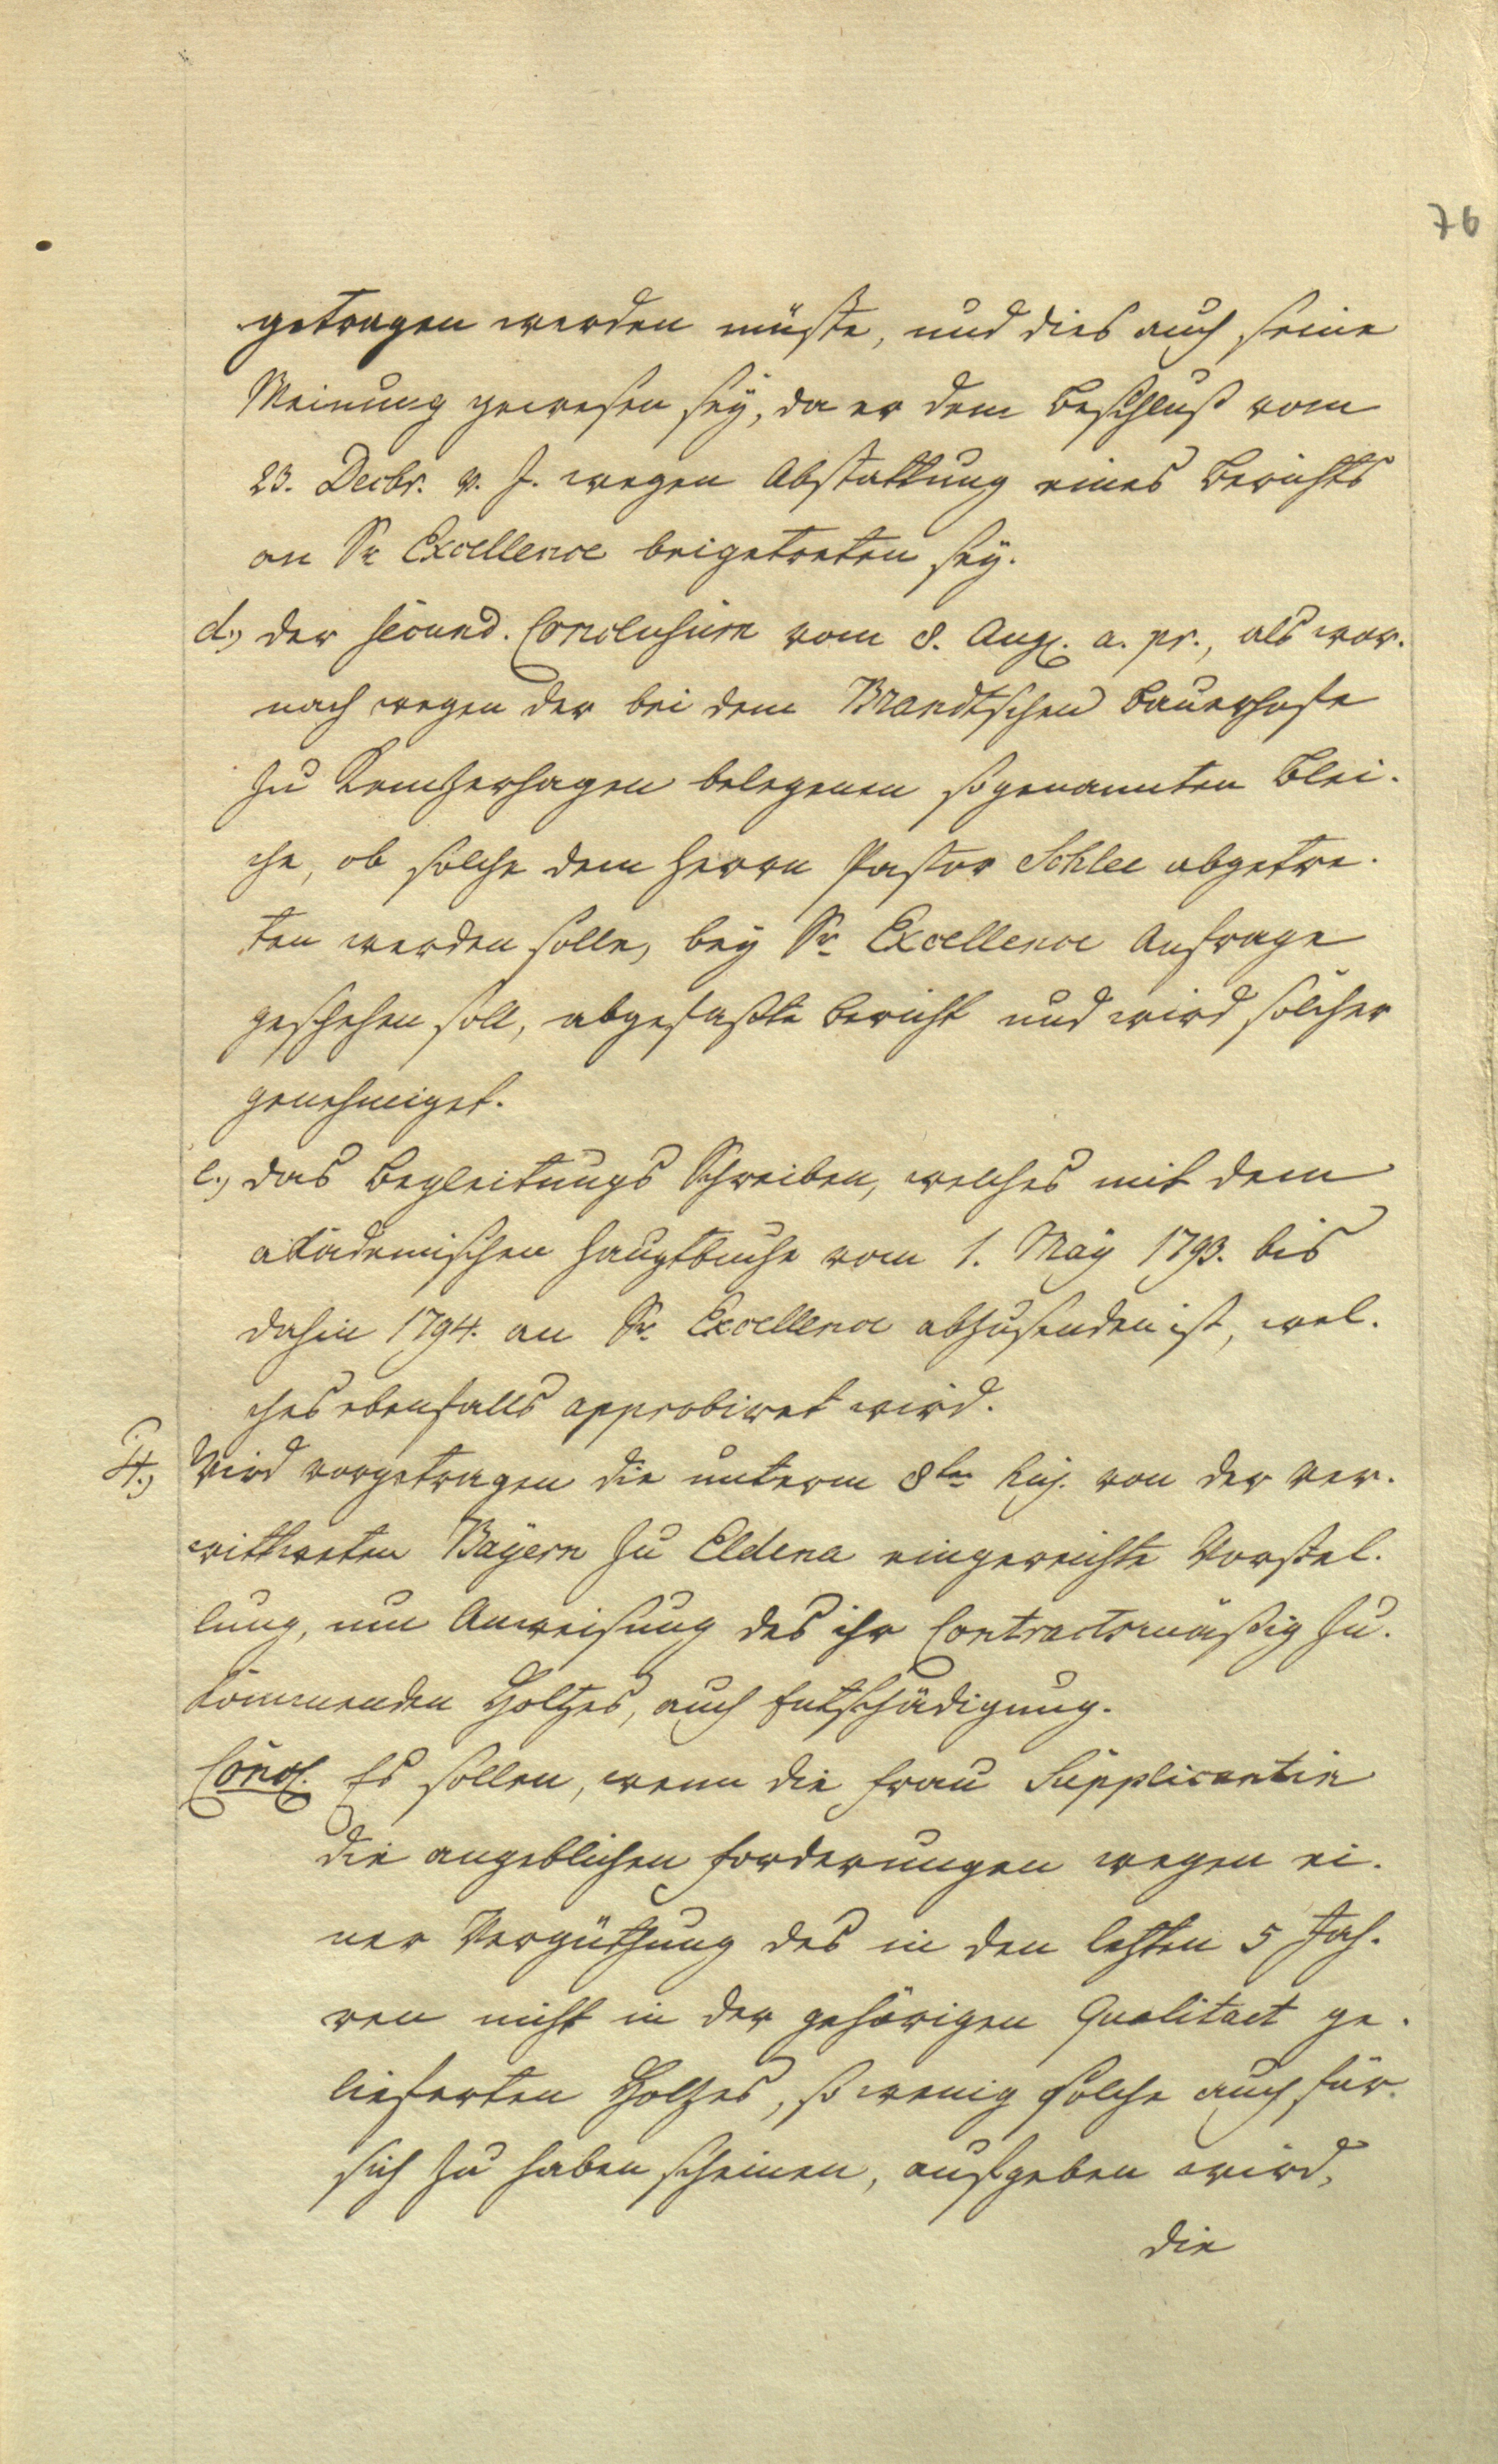getragen werden müßte, und dies auch seine
Meinung gewesen seÿ, da er dem Beschluß vom
23. Decbr. v. J. wegen Abstattung eines Berichts
an Sr Excellence beigetreten seÿ.
d., der secund. Conclusum vom 8. Aug. a. pr., als wor¬
nach wegen der bei dem Brandtschen Bauerhofe
zu Kemzerhagen belegenen sogenannten Blei¬
che, ob solche dem Herrn Pastor Schlee abgetre¬
ten werden solle, beÿ Sr Excellence Anfrage
geschehen soll, abgefaßte Bericht und wird solcher
genehmiget.
e., das Begleitungs Schreiben, welches mit dem
akademischen Hauptbuche vom 1. Maÿ 1793. bis
dahin 1794. an Sr. Excellence abzusenden ist, wel¬
ches ebenfalls approbiret wird.
4., Wird vorgetragen die unterm 8 te huj. von der ver¬
wittweten Baÿern zu Eldena eingereichte Vorstel¬
lung, um Anweisung des ihr Contractsmäßig zu¬
kommenden Holtzes, auch Entschädigung.
Concl. Es sollen, wenn die Frau Supplicantin
die angeblichen Forderungen wegen ei¬
ner Vergüthung des in den letzten 5 Jah¬
ren nicht in der gehörigen Qualitaet ge¬
lieferten Holzes, so wenig solche auch für
sich zu haben scheinen, aufgeben wird,
die